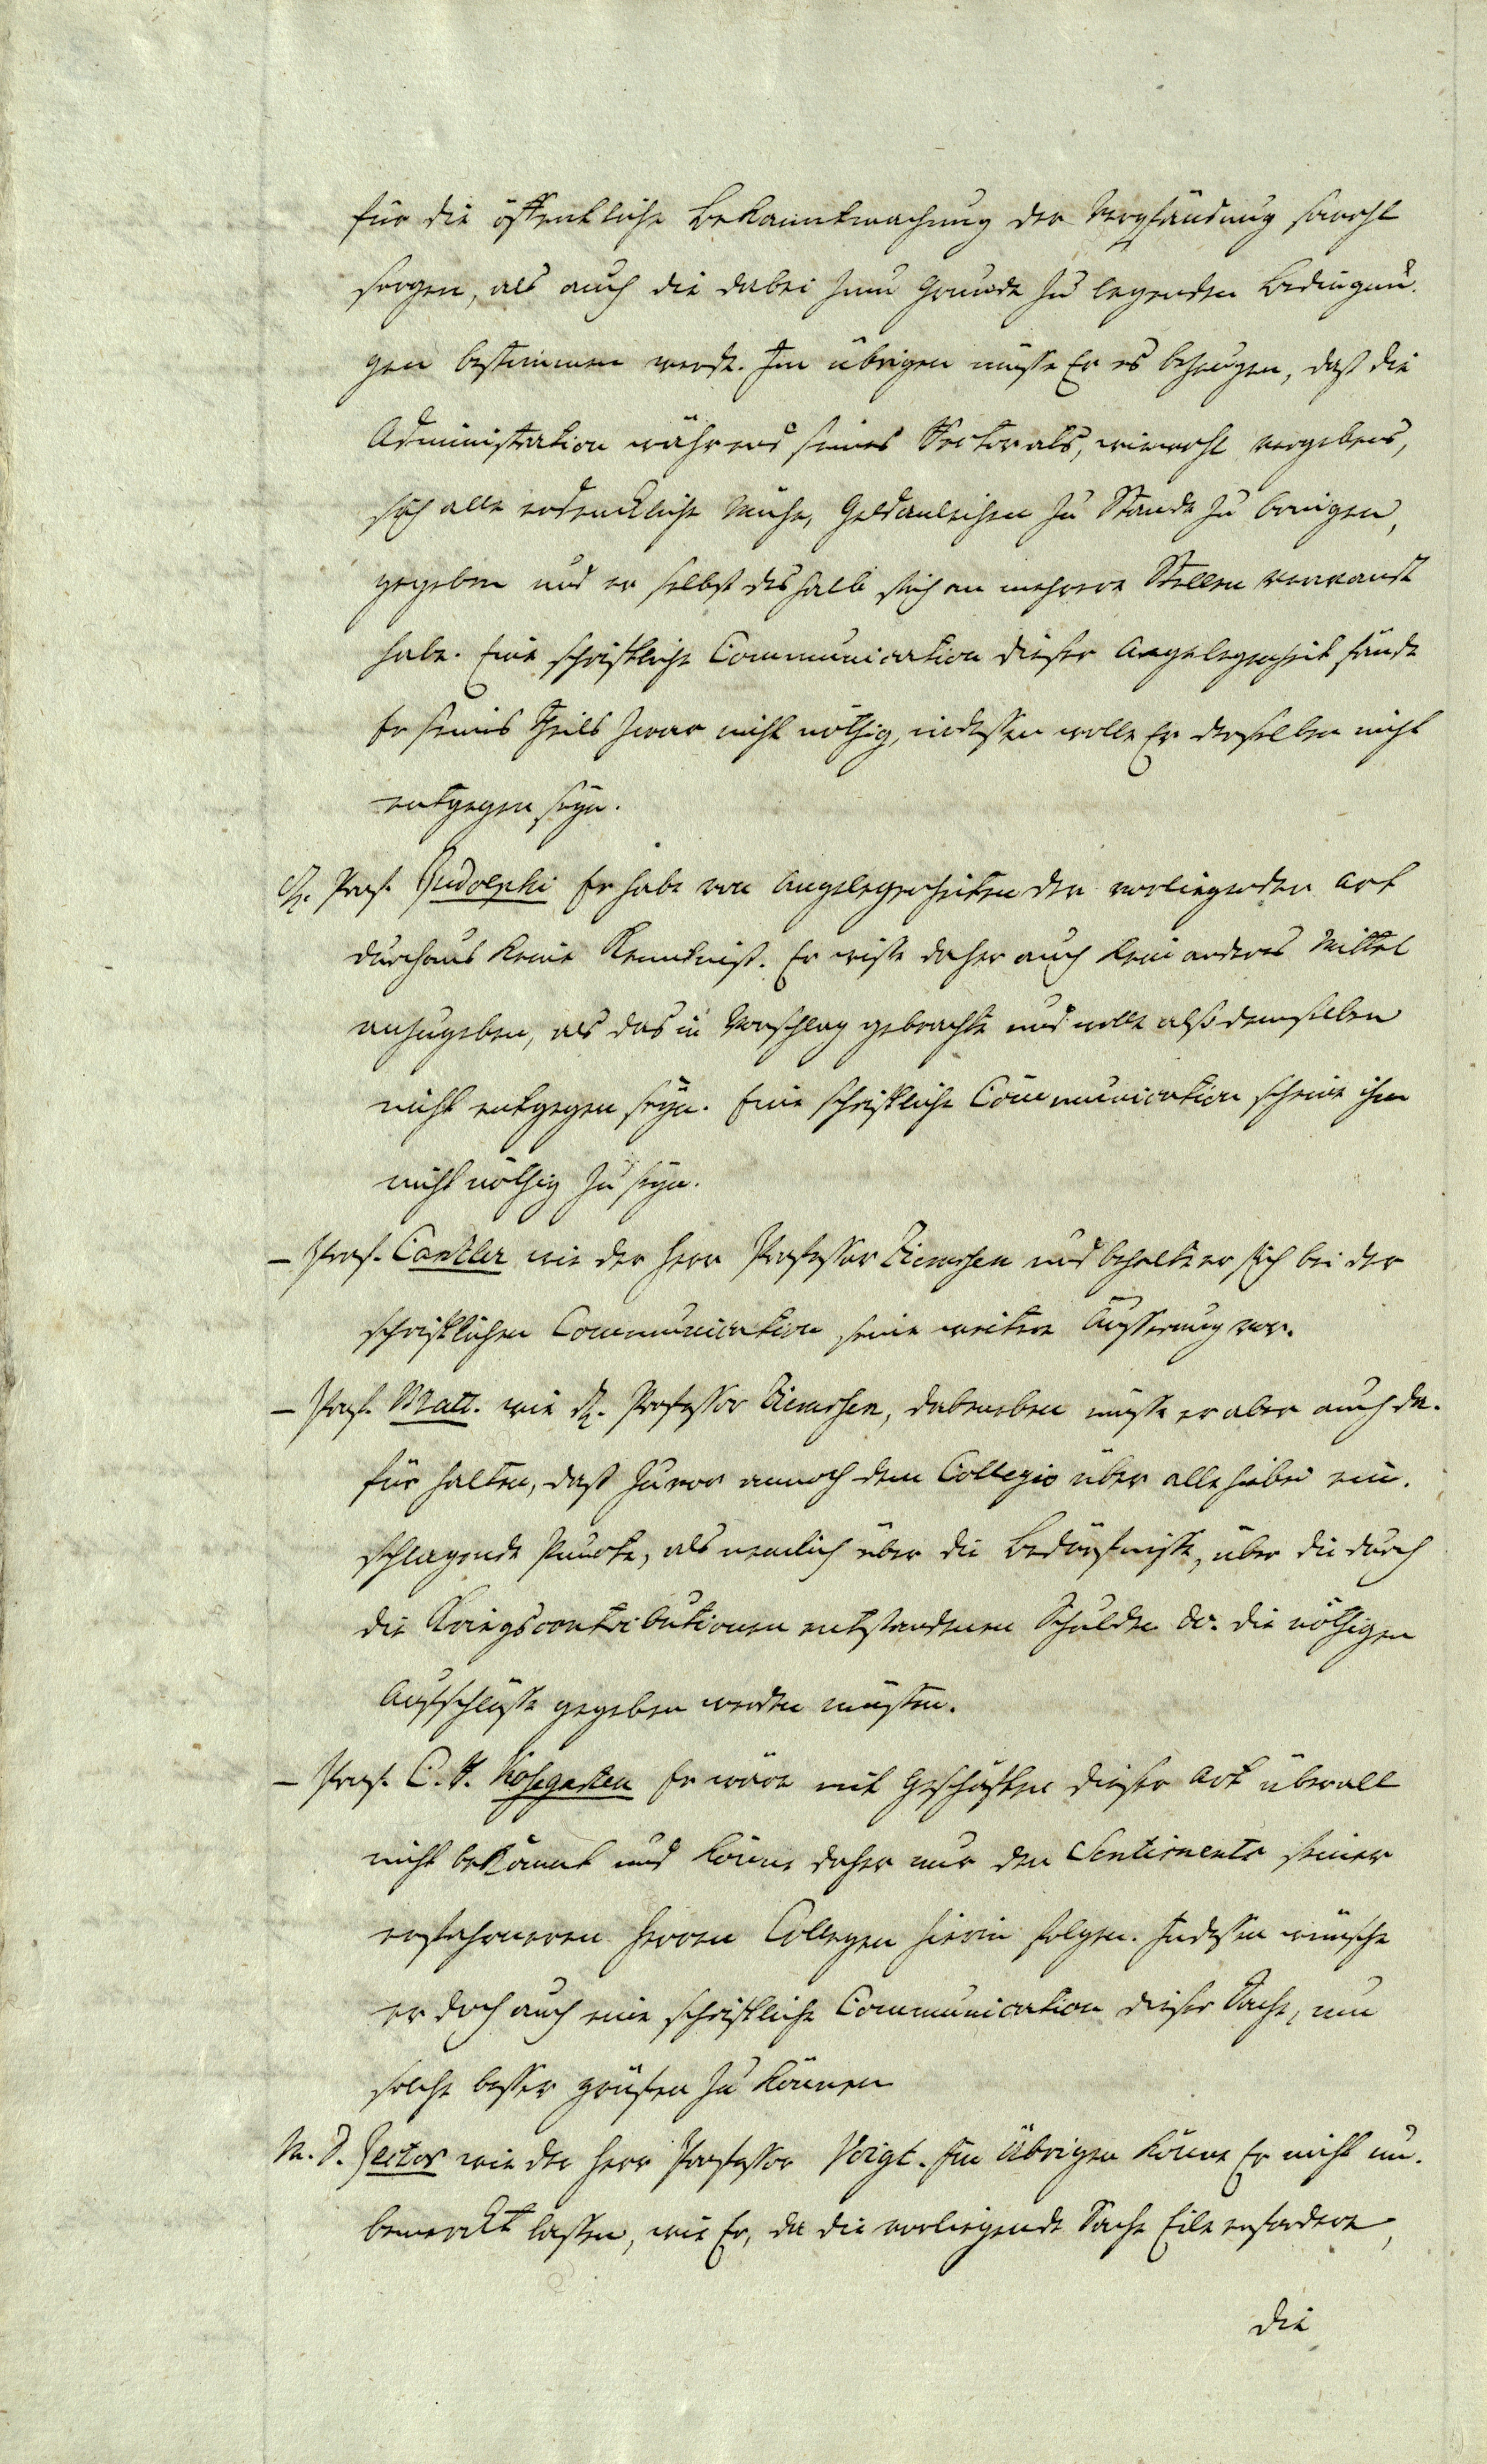für die öffentliche Bekanntmachung der Verpfändung sowohl
sorgen, als auch die dabei zum Grunde zu legenden Bedingun¬
gen bestimmen werde. In übrigen müsse Er es bezeugen, daß die
Administration während seines Rectorats, wiewohl vergebens,
sich alle erdenkliche Mühe, Geldanleihen zu Stande zu bringen,
gegeben und er selbst deshalb sich an mehrere Stellen verwandt
habe. Eine schriftliche Communication dieser Angelegenheit fände
Er seines Theils zwar nicht nöthig, indessen wolle Er derselben nicht
entgegen seÿn.
dh. Prof. Rudolphi Er habe von Angelegenheiten der vorliegenden Art
durchaus keine Kenntniß. Er wisse daher auch kein anderes Mittel
anzugeben, als das in Vorschlag gebrachte und wolle also demselben
nicht entgegen seÿn. Eine schriftliche Communication scheine ihm
nicht nöthig zu seÿn.
Prof. Canzler wie der Herr Professor Ziemssen und behalte er sich bei der
schriftlichen Communication seine weitere Äusserung vor¬
Prof. Bratt. wie dh. Professor Ziemssen, dabeneben müsse er aber auch da¬
für halten, daß zuvor annoch dem Collegio über alle hiebei ein¬
schlagende Puncte, als nemlich über die Bedürfnisse, über die durch
die Kriegscontributionen entstandenen Schulden do. die nöthigen
Aufschlüsse gegeben werden müsten.
Prof. C. R. Kosegarten Er wäre mit Geschäften dieser Art überall
nicht bekannt und könne daher nur den Sentiments seiner
erfahrneren Herren Collegen hierin folgen. Indessen wünsche
er doch auch eine schriftliche Communication dieser Sache, um
solche besser prüfen zu können.
M. D. Rector wie der Herr Professor Voigt. Im übrigen könne Er nicht un¬
bemerkt lassen, wie Er, da die vorliegende Sache Eile erfordere,
die